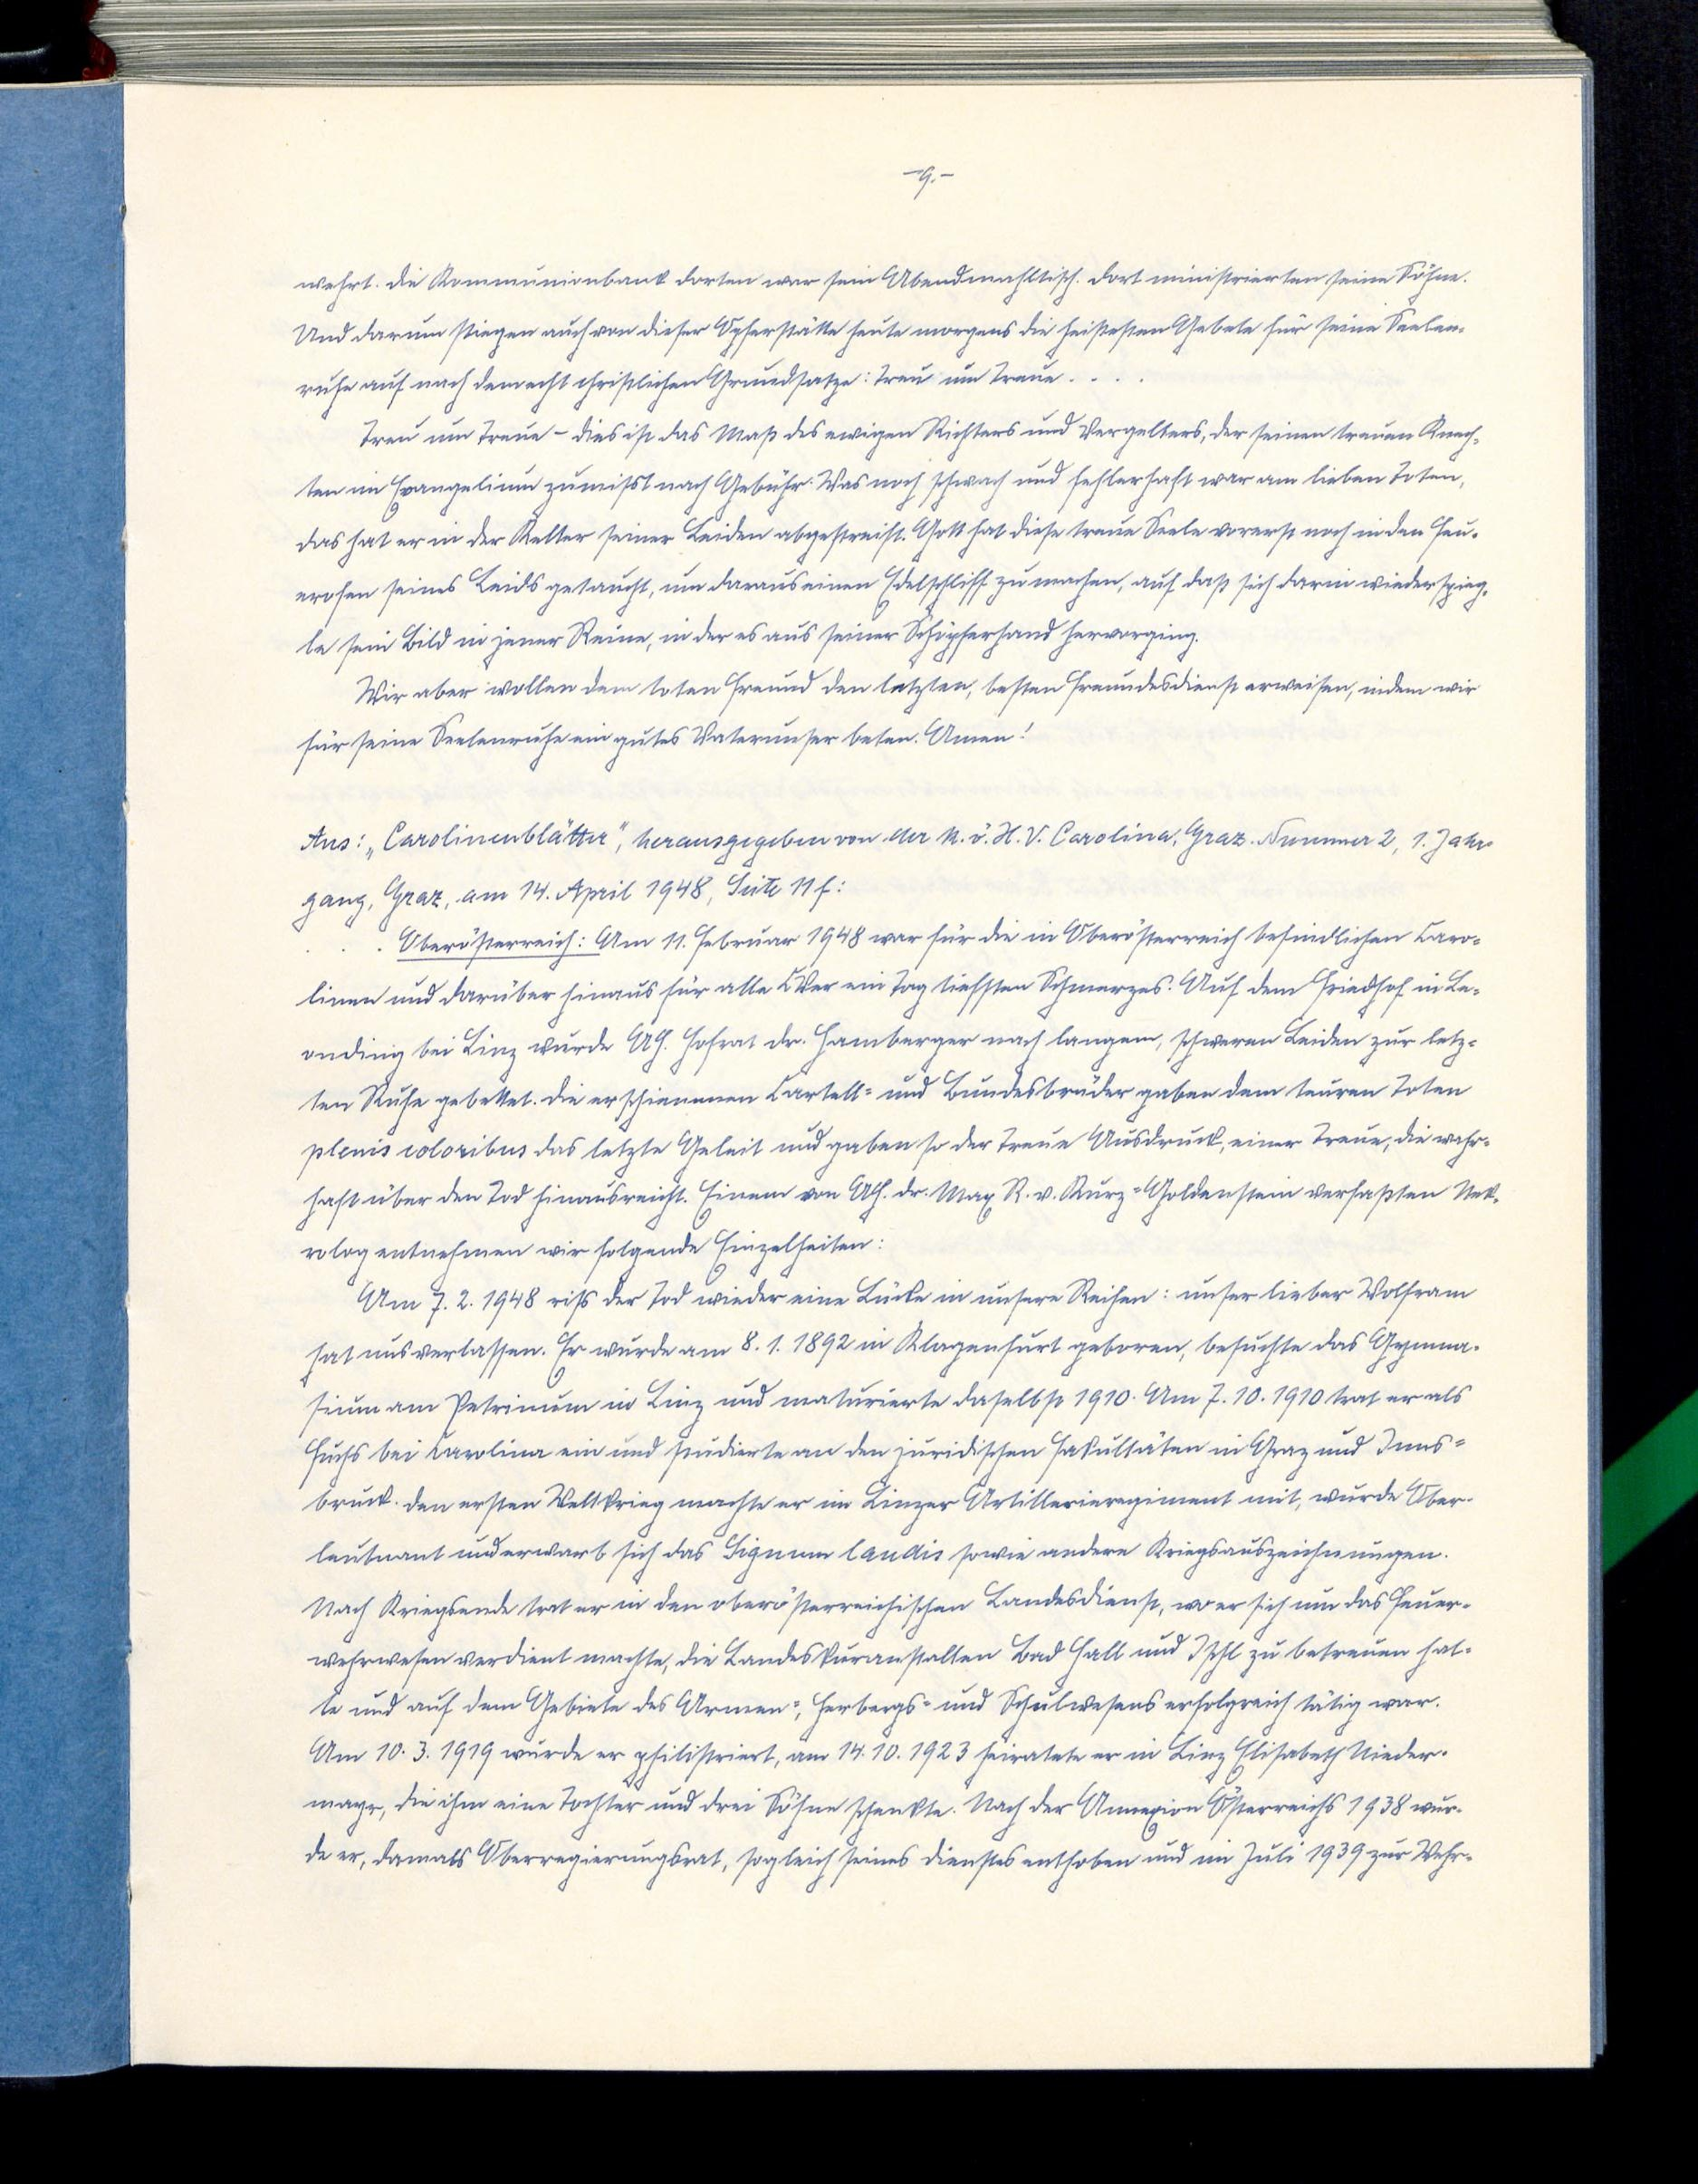9
bewehrt. Die Kommunionbank dort war sein Abendmahltisch. Dort ministrierten seine Söhne.
Und darum steigen auch von dieser Opferstätte heute morgens die heißesten Gebete für seine Seelen-
ruhe auf nach dem echt christlichen Grundsatze: Treu um Treue. …
Treu um Treue- Sies ist das Maß des ewigen Richters und Vergelters, der seinen treuen Knech-
ten im Evangelium zumisst nach Gebühr. Was noch schwach und fehlerhaft war am lieben Toten,
das hat der in der Ketter seiner Leiden abgestreift. Gott hat diese treue Seele vorerst noch in der Feu-
erofen seines Leids getaucht um daraus einen Edelschliff zu machen, auf daß sich darin der wiederspieg-
le sein Bild in jener Reine, in der es aus seiner Schöpferhand hervorging.
Wir aber wollen dem toten Freund den letzten, besten Freundschaftsdienst erweisen, indem wir
für seine Seelenruhe ein gutes Vaterunser beten. Amen!
Aus: „Carolinenblätter“, herausgegeben von der k. ö. H. V. Carolina, Graz, Nummer 2, 1. Jahr-
gang, Graz am 14. April 1948, Seite 11 f.:
Oberösterreich: Am 11. Februar 1948 war für die in Oberösterreich befindlichen Caro-
linen und darüber hinaus für alle CVer ein Tag tiefsten Schmerzes: auf dem Friedhof in Le-
onding bei Linz wurde Hofrat Dr. Hans Hamberger nach langem, schweren Leiden zur letz-
ten Ruhe gebettet. Die erschienenen Cartell- und Bundesbrüder gaben dem teuren Toten
plenis coloribus das letzte Geleit und gaben so der Treue Ausdruck, einer Treue, die wahr
haft über den Tod hinausreicht. Einen von AH Dr. Max R v. Kurz Goldenstein verfaßten Nek-
rolog entnehmen wir folgende Einzelheiten:
Am 7.2.1948 riss der Tod wieder eine Lücke in unsere Reihen: unser lieber Wolfram
hat uns verlassen. Er wurde am 8.1.1892 in Klagenfurt geboren, besuchte das Gymna-
sium am Petrinum in Linz und maturierte daselbst 1910. Am 7.10.1910 traz er als
Fuchs bei Carolina ein und studierte an den juridischen Fakultäten in Graz und Inns-
bruck. Den ersten Weltkrieg machte er im Linzer Artillerieregiment mit, wurde Ober-
Leutnant und erwarb sich das Sigmum Laudis sowie andere Kriegsauszeichnungen.
Nach Kriegsende trat er in den oberösterreichischen Landesdienst, wo er sich um das Feuer-
wehrwesen verdient machte, die Landeskuranstalten Bad Hall und Ischl zu betreuen hat-
te und auf dem Gebiete des Armen-, Herbergs- und Schulwesens erfolgreich tätig war.
Am 10.3.1919 wurde er philistriert, am 14.10.1923 heiratete er in Linz Elisabeth Nieder-
mayr, die ihm eine Tochter und drei Söhne schenkte. Nach der Annexion Österreichs 1938 wur-
de er, damals Oberregierungsrat, sogleich seines Dienstes enthoben und in Juli 1939 zur Wehr-